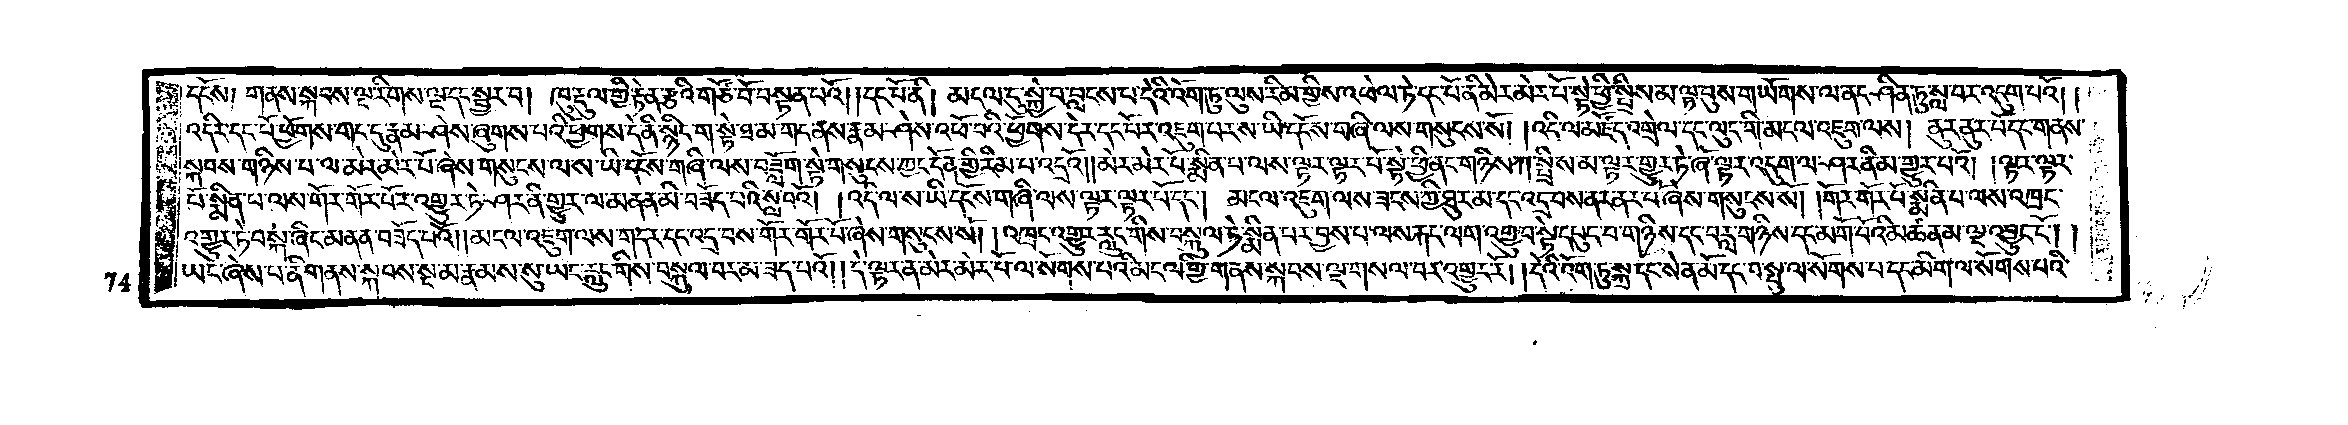དངོས། གནས་སྐབས་ལྔ་རིགས་ལྔ་དང་སྦྱར་བ། ཁུ་རྡུལ་གྱི་རྟེན་རྩའི་གཙོ་བོ་བསྟན་པའོ། །དང་པོ་ནི། མངལ་དུ་སྐྱེ་བ་བླངས་པ་དེའི་འོག་ཏུ་ལུས་རིམ་གྱིས་འཕེལ་ཏེ་དང་པོ་ནི་མེར་མེར་པོ་སྟེ་ཕྱི་སྤྲིས་མ་ལྟ་བུས་གཡོགས་ལ་ནང་ཤིན་ཏུ་སླ་བར་འདུག་པའོ། །
འདིར་དང་པོ་ཕྱོགས་གང་དུ་རྣམ་ཤེས་ཞུགས་པའི་ཕྱོགས་དེ་ནི་སྙིང་ག་སྟེ་ཐ་མ་གང་ནས་རྣམ་ཤེས་འཕོ་བའི་ཕྱོགས་དེར་དང་པོར་འཇུག་པར་ས་ཡི་དངོས་གཞི་ལས་གསུངས་སོ། །འདི་ལ་མཛོད་འགྲེལ་དང་ལུང་གི་མངལ་འཇུག་ལས། ནུར་ནུར་པོ་དང་གནས་
སྐབས་གཉིས་པ་ལ་མེར་མེར་པོ་ཞེས་གསུངས་ལ་ས་ཡི་དངོས་གཞི་ལས་བཟློག་སྟེ་གསུངས་ཀྱང་དོན་གྱི་རིམ་པ་འདྲའོ། །མེར་མེར་པོ་སྨིན་པ་ལས་ལྟར་ལྟར་པོ་སྟེ་ཕྱི་ནང་གཉིས་ཀ་སྤྲིས་མ་ལྟར་གྱུར་ཏེ་ཞོ་ལྟར་འདུག་ལ་ཤར་ནི་མ་གྱུར་པའོ། །ལྟར་ལྟར་
པོ་སྨིན་པ་ལས་གོར་གོར་པོར་འགྱུར་ཏེ་ཤར་ནི་གྱུར་ལ་མནན་མི་བཟོད་པའི་སླ་བའོ། །འདི་ལ་ས་ཡི་དངོས་གཞི་ལས་ལྟར་ལྟར་པོ་དང་། མངལ་འཇུག་ལས་ཟངས་ཀྱི་ཐུར་མ་དང་འདྲ་བས་ནར་ནར་པོ་ཞེས་གསུངས་སོ། །གོར་གོར་པོ་སྨིན་པ་ལས་འཁྲང་
འགྱུར་ཏེ་བསྐ་ཞིང་མནན་བཟོད་པའོ། །མངལ་འཇུག་ལས་གདར་དང་འདྲ་བས་གོར་གོར་པོ་ཞེས་གསུངས་སོ། །འཁྲང་འགྱུར་རླུང་གིས་བསྐུལ་ཏེ་སྨིན་པར་བྱས་པ་ལས་རྐང་ལག་འགྱུ་བ་སྟེ་དཔུང་པ་གཉིས་དང་མགོ་བོའི་མཚན་མ་ལྔ་འབྱུང་ངོ། །
ཡང་ཞེས་པ་ནི་གནས་སྐབས་སྔ་མ་རྣམས་སུ་ཡང་རླུང་གིས་བསྐུལ་བར་མ་ཟད་པའོ། །དེ་ལྟར་ན་མེར་མེར་པོ་ལ་སོགས་པའི་མངལ་གྱི་གནས་སྐབས་ལྔ་གསལ་བར་འགྱུར་རོ། །དེའི་འོག་ཏུ་སྐྲ་དང་སེན་མོ་དང་བ་སྤུ་ལ་སོགས་པ་དང་མིག་ལ་སོགས་པའི་